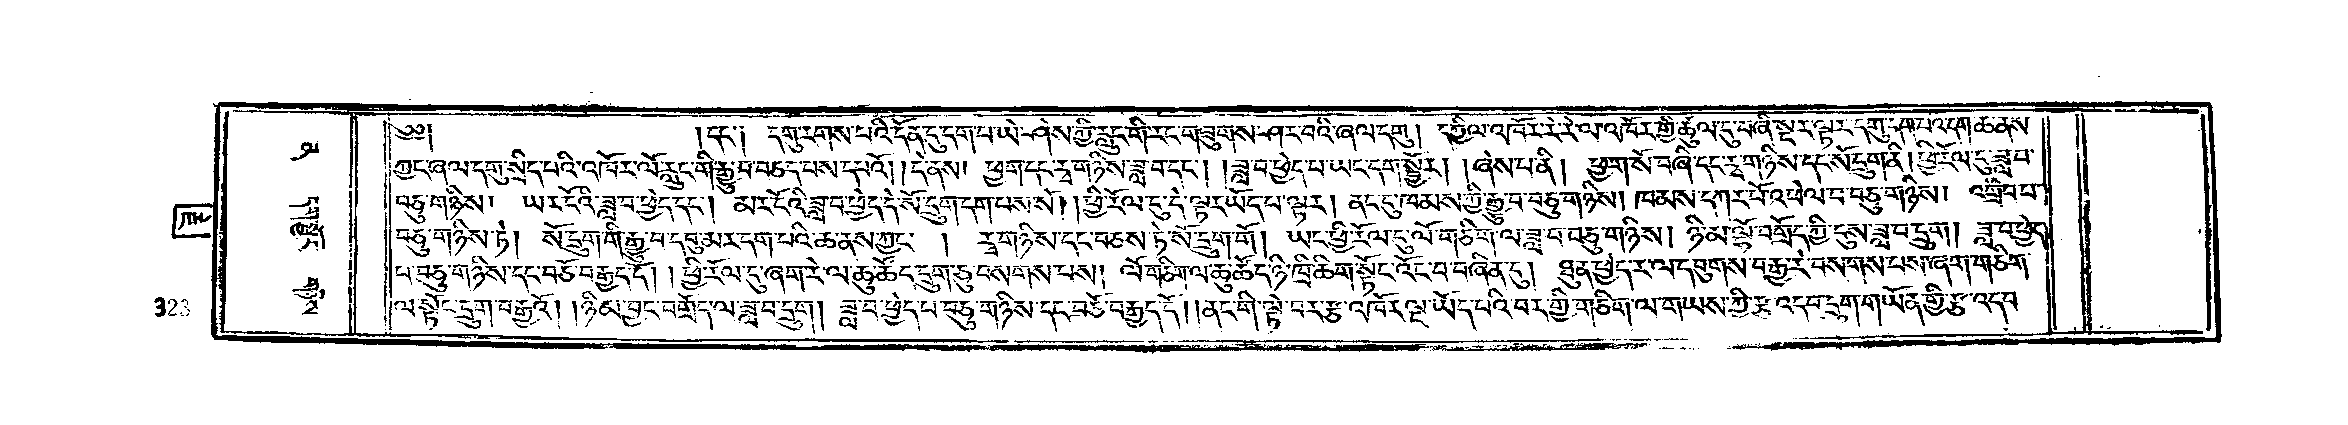༄༅། །དང་། དགུ་རགས་པའི་དོན་དུ་དག་པ་ཡེ་ཤེས་ཀྱི་རླུང་གི་རང་གཟུགས་ཤར་བའི་ཞལ་དགུ །དཀྱིལ་འཁོར་རེ་རེ་ལ་འཁོར་གྱི་ཚུལ་དུ་བཞི་སྔར་ལྟར་དགུ་དག་པའི་དག་ཆ་ནས་
ཀྱང་ཞལ་དགུ་སྲིད་པའི་འཁོར་ལོ་རླུང་གི་རྒྱུ་བ་བཅད་པས་དཔའོ། །དེ་ནས། ཕྱག་དང་རྭ་གཉིས་ཟླ་བ་དང་། །ཟླ་བ་ཕྱེད་པ་ཡང་དག་སྦྱོར། །ཞེས་པ་ནི། ཕྱག་སོ་བཞི་དང་རྭ་གཉིས་དང་སོ་དྲུག་ནི། ཕྱི་རོལ་དུ་ཟླ་བ་
བཅུ་གཉིས། ཡར་ངོའི་ཟླ་བ་ཕྱེད་དང་།མར་ངོའི་ཟླ་བ་ཕྱེད་དེ་སོ་དྲུག་དག་པས་སོ། །ཕྱི་རོལ་དུ་དེ་ལྟར་ཡོད་པ་ལྟར། ནང་དུ་ཁམས་ཀྱི་རྒྱུ་བ་བཅུ་གཉིས། ཁམས་དཀར་པོ་འཕེལ་བ་བཅུ་གཉིས། འགྲིབ་པ་
བཅུ་གཉིས་ཏེ། སོ་དྲུག་གི་རྒྱུ་བ་དབུ་མར་དག་པའི་ཆ་ནས་ཀྱང་། རྭ་གཉིས་དང་བཅས་ཏེ་སོ་དྲུག་གོ །ཡང་ཕྱི་རོལ་དུ་ལོ་གཅིག་ལ་ཟླ་བ་བཅུ་གཉིས། ཉི་མ་ལྷོ་བགྲོད་ཀྱི་དུས་ཟླ་བ་དྲུག །ཟླ་བ་ཕྱེད་
པ་བཅུ་གཉིས་དང་བཅོ་བརྒྱད་དོ། །ཕྱི་རོལ་དུ་ཞག་རེ་ལ་ཆུ་ཚོད་དྲུག་ཅུ་བསགས་པས། ལོ་གཅིག་ལ་ཆུ་ཚོད་ཉི་ཁྲི་ཆིག་སྟོང་འོང་བ་བཞིན་དུ། ཐུན་ཕྱེད་ར་ལ་དབུགས་བརྒྱ་རེ་བསགས་པས་ཞལ་གཅིག་
ལ་སྟོང་དྲུག་བརྒྱའོ། །ཉི་མ་བྱང་བགྲོད་ལ་ཟླ་བ་དྲུག །ཟླ་བ་ཕྱེད་པ་བཅུ་གཉིས་དང་བཅོ་བརྒྱད་དོ། །ནང་གི་ལྟེ་བར་རྩ་འཁོར་ལྔ་ཡོད་པའི་བར་གྱི་གཅིག་ལ་གཡས་ཀྱི་རྩ་འདབ་དྲུག་གཡོན་གྱི་རྩ་འདབ་